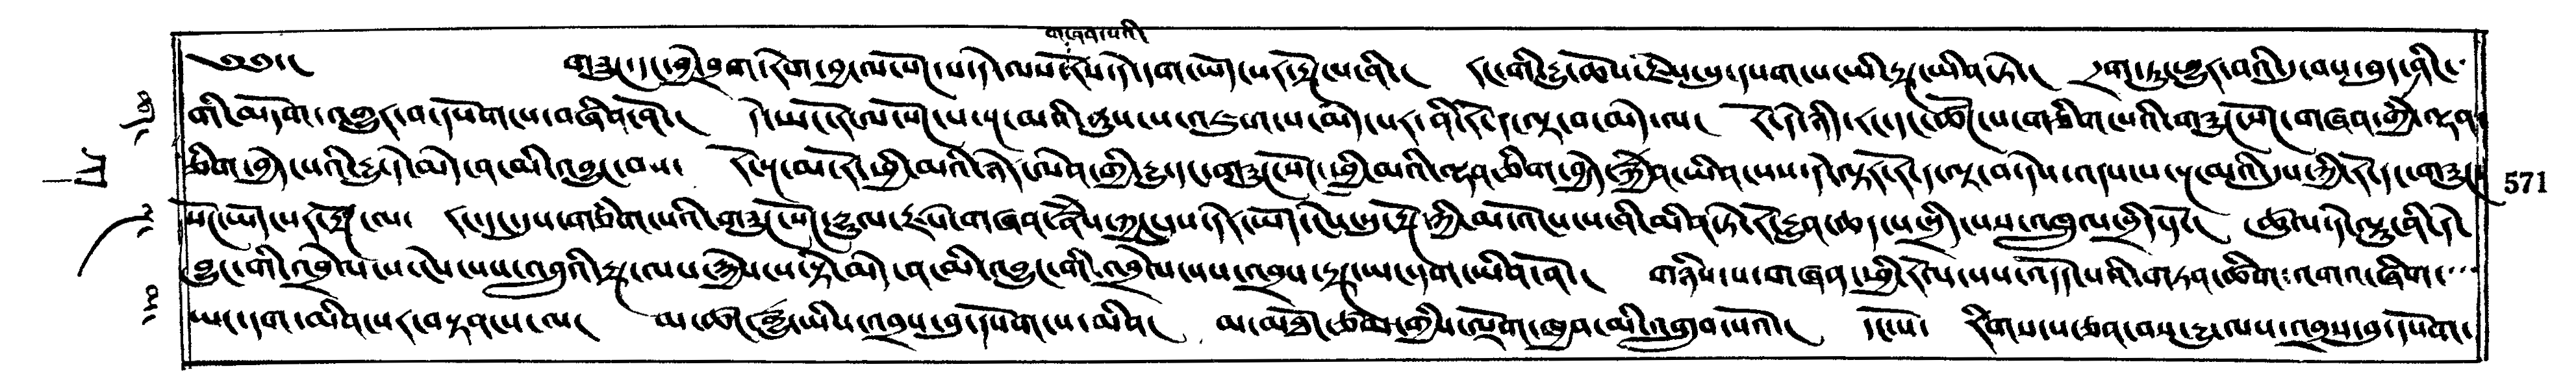གཟུགས་དང་བྱེ་བྲག་རེག་བྱ་ལ་སོགས་པ་དེ་ལས་གཞན་པའི་རོས་དེ་དག་ཡོད་པར་རྟོགས་པ་ནི། རང་གི་རྒྱུ་ཆོས་རྗེས་སུ་དཔག་པའི་རྟགས་ཡིན་ཏེ། དྲག་ཏུ་འཕྱུར་བའི་དུ་བས་བུད་ཤིང་
གི་མདོག་འགྱུར་བ་དཔོག་པ་བཞིན་ནོ།། དེ་ཡང་རོ་ལ་སོགས་པ་སྔ་མའི་ནུས་པ་འཇུག་པ་མེད་པར་ནི་རོ་ད་ལྟ་བ་མེད་ལ། རོ་དེ་ཉིད་རང་དང་ཚོགས་པ་གཅིག་པའི་གཟུགས་སོགས་གཞན་གྱི་ལྷན་
ཅིག་བྱེད་པའི་རྒྱུ་དེ་མེད་ན་མི་འབྱུང་བས། རོ་སྔ་མ་རོ་ཕྱི་མའི་ཉེར་ལེན་གྱི་རྒྱུ་དང་གཟུགས་སོགས་ཕྱི་མའི་ལྷན་ཅིག་བྱེད་རྐྱེན་ཡིན་པས་དེ་ལྟར་རོ་ད་ལྟ་བ་དེས་འདས་པ་སྔ་མའི་དུས་ཀྱི་རོ་དང་གཟུགས་
སོགས་ཡོད་པར་རྟོགས་ལ། རང་དང་དུས་གཅིག་པའི་གཟུགས་སོགས་རྡུལ་རྫས་གཞན་རྣམས་ཀྱང་དུས་དེར་ཡོད་ངེས་སུ་རྟོགས་ཀྱི་མ་འོངས་པ་ནི་མིན་ཏེ་རོ་རྒྱུན་ཆད་པ་སྲིད་པས་འཁྲུལ་སྲིད་དོ།། ཚུལ་དེ་ལྟ་བུ་དེ་
བྱུང་གི་འབྲེལ་བ་ངེས་པས་འབྲས་བུའི་རྟགས་ལས་སྐྱེས་པ་སྟེ་མེད་ན་མི་འབྱུང་གི་འབྲེལ་བས་འབྲས་རྟགས་ཡང་དག་ཡིན་ནོ།། གཉིས་པ་གཞན་ཕྱི་རོལ་པས་འདོད་པའི་གཏན་ཚིགས་འགའ་ཞིག་
ཡང་དག་མིན་པར་བསྟན་པ་ལ། མ་ཚང་རྒྱུ་ཡིས་འབྲས་བུ་དཔོག་པ་མིན། །མ་མཐོང་ཙམ་གྱིས་ལྡོག་ཁྱབ་མི་འགྲུབ་པའོ། །དང་པོ། རིགས་པ་ཅན་པས་རྒྱུ་ལས་འབྲས་བུ་དཔོག་